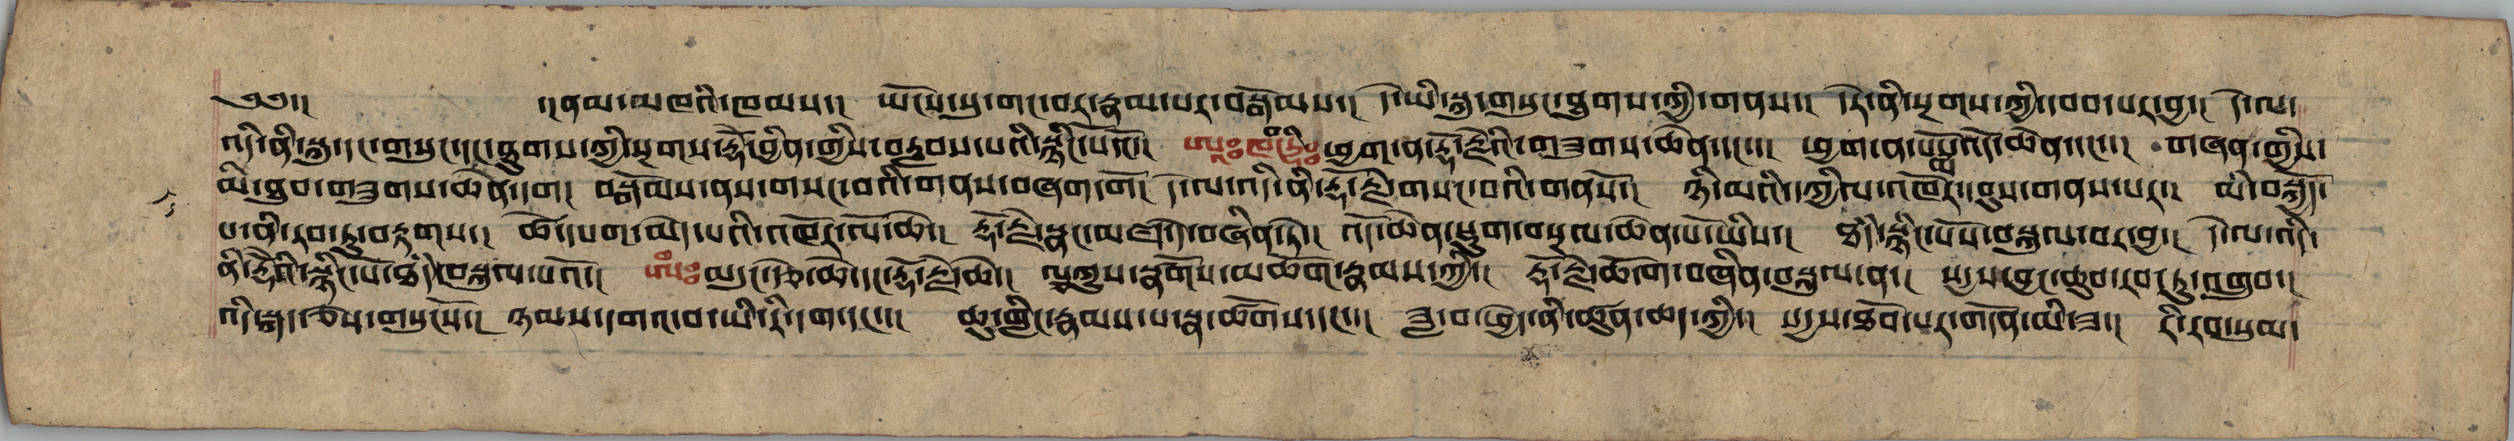༄༅་། ་།ནམ་མཁའི་ཁམས་། ཡོངས་སུ་གང་བར་རྣམ་པར་བསྒོམས་། དེ་ཡི་སྐུ་གསུང་ཐུགས་ཀྱི་གནས་། དེར་ནི་སྔགས་ཀྱི་དབབ་པར་བྱ་། དེ་ལ་
འདི་ནི་སྐུ་དང་གསུང་དང་ཐུགས་ཀྱི་སྔགས་རྡོེ་བྱིན་གྱིས་བརླབས་པའི་སྙིང་པོའོ་། ཨཱཿཁཾ་དྷིཿཕྱག་ན་རྡོ་རྗེའི་གཟུགས་ཆེན་དང་་། ཕྱག་ན་པདྨོ་འོད་ཆེན་དང་་། གཞན་གྱིས་
མི་ཐུབ་གཟུགས་ཆེན་དག། བསྒོམས་ནས་གསང་བའི་གནས་བཞག་གོ། དེ་ལ་འདི་ནི་རྡོ་རྗེ་གསང་བའི་གནསོ་། ཉི་མའི་དཀྱིལ་འཁོར་དབུས་གནས་པར་། མི་བསྐྱོད་
པ་ནི་རབ་ཏུ་བརྟགས་། ཚེ་དཔག་མེད་པའི་འཁོར་ལོ་ཆེ་། རྡོ་རྗེ་སྣང་མཛད་དེ་བཞིན་ཏེ་། འོད་ཆེན་སྡུག་བསྔལ་ཆེན་པོ་ཡིས་། ཐདཾ་སྙིང་པོས་བསྐུལ་བར་བྱ་། དེ་ལ་འདི་
ནི་རྡོེའི་སྙིང་པོ་ཐདཾ་བསྐུལ་པའོ་། ཨཾཿམདུང་རྩེ་ཆེ་དང་རྡོ་རྗེ་ཆེ་། ལྕཀྱུས་སྣཚོགས་མཆོག་རྣམས་ཀྱི་། རྡོ་རྗེ་ཆོ་ག་བཞིན་བསྐུལ་ན་། སདྱས་བྱང་ཆུབ་རབ་ཏུ་འགྲུབ་
འདི་སྐད་ཅེས་གསུངསོ་། ཉམས་དགའ་བ་ཡི་རི་དག་དང་་། ཆུ་གླིང་རྣམས་པ་སྣ་ཚོགས་དང་་། ཟླ་བ་ཕྱེད་ནི་ཚུན་ཆད་ཀྱི་། སདྱས་ཐོབ་པར་གདོན་མི་ཟ་། རི་རབ་སུམ་